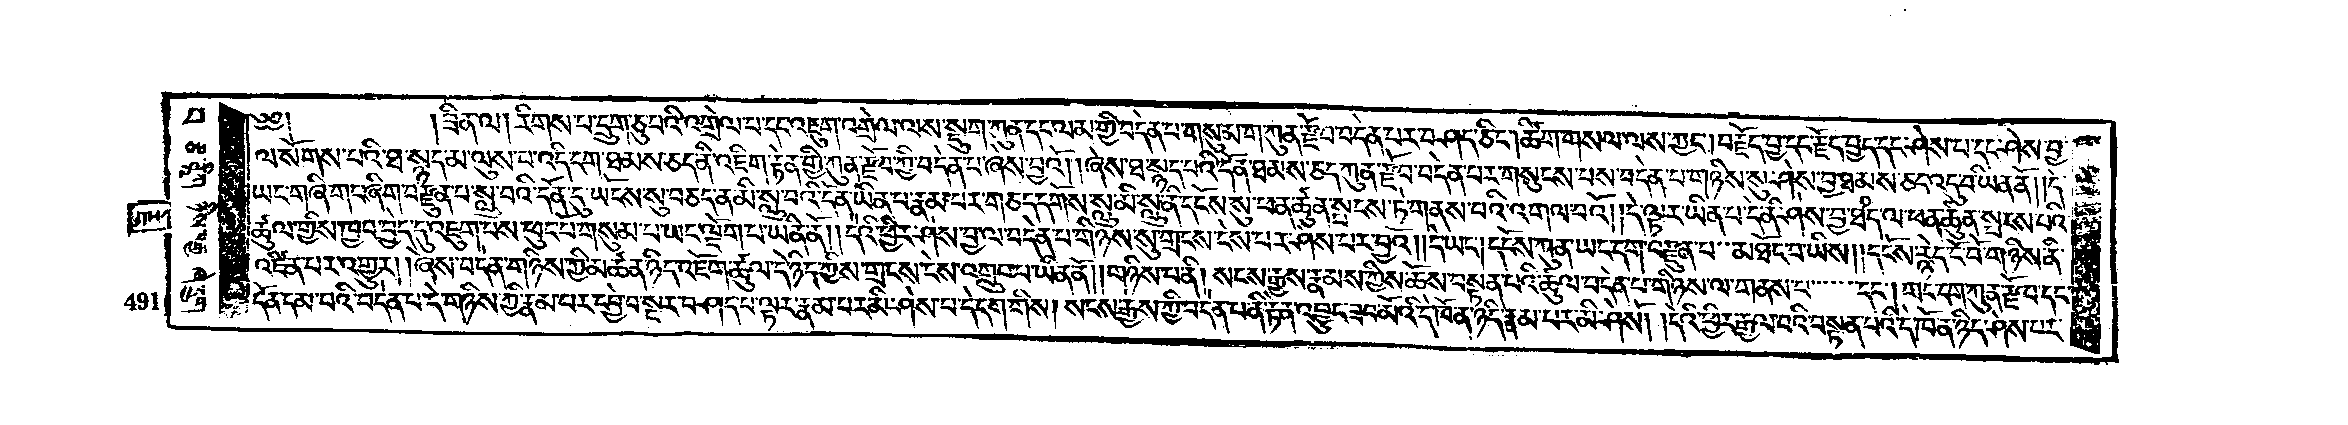༄༅། །ཟིན་ལ། རིགས་པ་དྲུག་ཅུ་པའི་འགྲེལ་པ་དང་འཇུག་འགྲེལ་ལས་སྡུག་ཀུན་དང་ལམ་གྱི་བདེན་པ་གསུམ་ག་ཀུན་རྫོབ་བདེན་པར་བཤད་ཅིང་། ཚིག་གསལ་ལས་ཀྱང་། བརྗོད་བྱ་དང་རྗོད་བྱེད་དང་ཤེས་པ་དང་ཤེས་བྱ་
ལ་སོགས་པའི་ཐ་སྙད་མ་ལུས་པ་འདི་དག་ཐམས་ཅད་ནི་འཇིག་རྟེན་གྱི་ཀུན་རྫོབ་ཀྱི་བདེན་པ་ཞེས་བྱའོ། །ཞེས་ཐ་སྙད་པའི་དོན་ཐམས་ཅད་ཀུན་རྫེབ་བདེན་པར་གསུངས་པས་བདེན་པ་གཉིས་སུ་ཤེས་བྱ་ཐམས་ཅད་འདུ་བ་ཡིན་ནོ། །དེ་
ཡང་གཞི་གང་ཞིག་བརྫུན་པ་སླུ་བའི་དོན་དུ་ཡོངས་སུ་བཅད་ན་མི་སླུ་བའི་དོན་ཡིན་པ་རྣམས་པར་གཅད་དགོས་སླུ་མི་སླུ་ནི་དངོས་སུ་ཕན་ཚུན་སྤངས་ཏེ་གནས་པའི་འགལ་བའོ། །དེ་ལྟར་ནི་པ་དེ་ནི་ཤེས་བྱ་ཐཾད་ལ་ཕན་ཚུན་སྤངས་པའི་
ཚུལ་གྱིས་ཁྱབ་བྱེད་དུ་འཇུག་པས་ཕུང་པོ་གསུམ་པ་ཡང་ལྡོག་པ་ཡིན་ནོ། །དེའི་ཕྱིར་ཤེས་བྱ་ལ་བདེན་པ་གཉིས་སུ་གྲངས་ངེས་པར་ཤེས་པར་བྱའོ། །དེ་ཡང་། དངོས་ཀུན་ཡང་དག་བརྫུན་པ་མཐོང་བ་ཡིས། །དངོས་རྙེད་ངོ་བོ་གཉིས་ནི་
འཛིན་པར་འགྱུར། །ཞེས་བདེན་གཉིས་ཀྱི་མཚན་ཉིད་འཇོག་ཚུལ་དེ་ཉིད་ཀྱིས་གྲངས་ངེས་འགྲུབ་པ་ཡིན་ནོ། །གཉིས་པ་ནི། སངས་རྒྱས་རྣམས་ཀྱིས་ཆོས་བསྟན་པའི་ཚུལ་བདེན་པ་གཉིས་ལ་གནས་པ་དང་། གང་དག་ཀུན་རྫོབ་དང་
དོན་དམ་པའི་བདེན་པ་དེ་གཉིས་ཀྱི་རྣམས་པར་དབྱེ་བ་སྔར་བཤད་པ་ལྟར་རྣམ་པར་མི་ཤེས་པ་དེ་དག་གིས། སངས་རྒྱས་ཀྱི་བདེན་པ་ནི་རྟེན་འབྱུང་ཟབ་མོའི་དེ་ཁོ་ན་ཉིད་རྣམས་པར་མི་ཤེ་སོ། །དེའི་ཕྱིར་རྒྱལ་བའི་བསྟན་པའི་དེ་ཁོ་ན་ཉིད་ཤེས་པར་